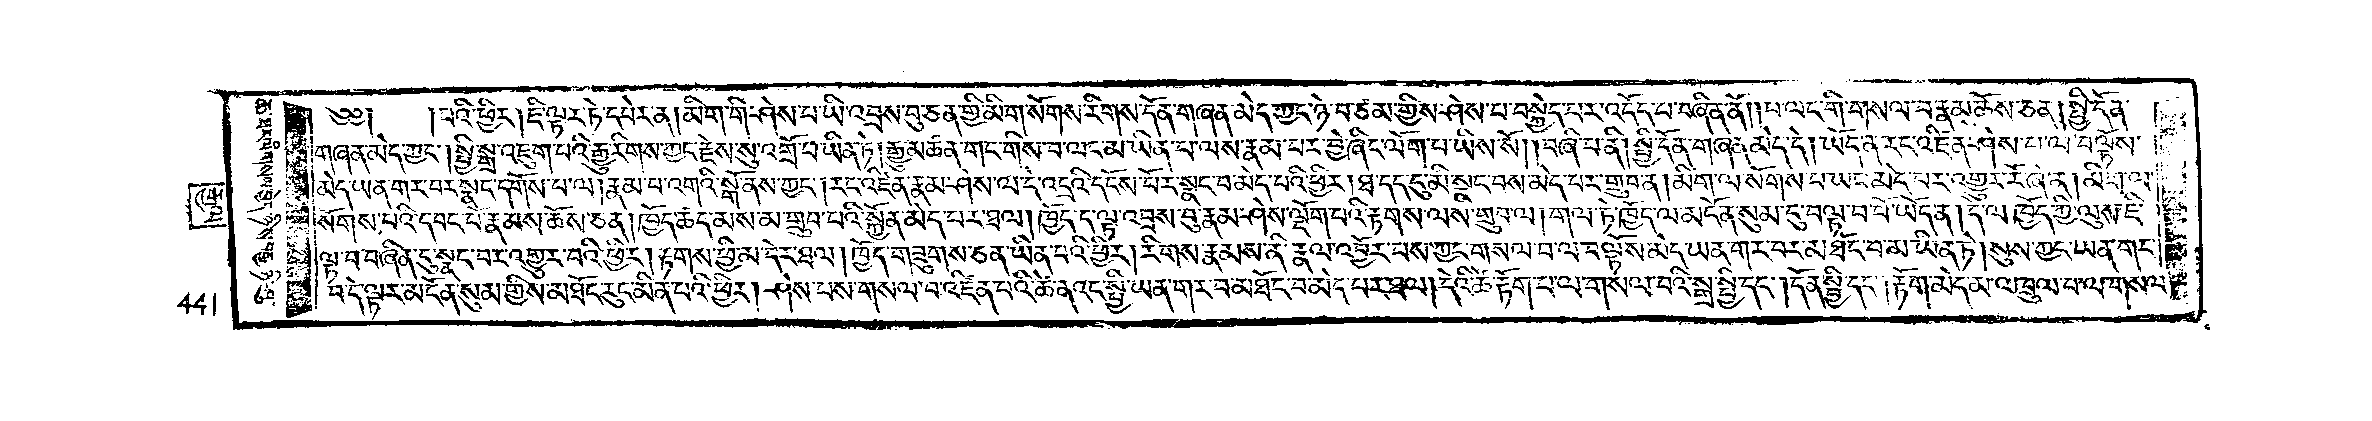༄༅། །པའི་ཕྱིར། ཇི་ལྟར་ཏེ་དཔེར་ན། མིག་གི་ཤེས་པ་ཡི་འབྲས་བུ་ཅན་གྱི་མིག་སོགས་རིགས་དོན་གཞན་མེད་ཀྱང་ཉེ་བ་ཙམ་?་གྱིས་ཤེས་པ་བསྐྱེད་པར་འདོད་པ་བཞིན་ནོ། །པ་ལང་གི་གསལ་བ་རྣམས་ཆོས་ཅན། སྤྱི་དོན་
གཞན་མེད་ཀྱང་། སྤྱི་སྒྲ་འཇུག་པའི་རྒྱུ་རིགས་ཀྱང་རྗེས་སུ་འགྲོ་བ་ཡིན་ཏེ། རྒྱུ་མཚན་གང་གིས་བ་ལང་མ་ཡིན་པ་ལས་རྣམ་པར་བྱེ་ཞིང་ལོག་པ་ཡིས་སོ། །བཞི་པ་ནི། སྤྱི་དོན་གཞན་མེད་དེ། ཡོད་ན་རང་འཛིན་ཤེས་པ་ལ་བལྟོས་
མེད་ཡན་གར་བར་སྣང་དགོས་པ་ལ། རྣམ་པ་འགའི་སྒོ་ནས་ཀྱང་། རང་འཛིན་རྣམ་ཤེས་ལ་དེ་འདྲའི་དངོས་པོར་སྣང་བ་མེད་པའི་ཕྱིར། ཐ་དད་དུ་མི་སྣང་བས་མེད་པར་གྲུབ་ན། མིག་ལ་སོགས་པ་ཡང་མེད་པར་འགྱུར་རོ་ཞེ་ན། མིག་ལ་
སོགས་པའི་དབང་པོ་རྣམས་ཆོས་ཅན། ཁྱོད་ཚད་མས་མ་གྲུབ་པའི་སྐྱོན་མེད་པར་ཐལ། ཁྱོད་ད་ལྟ་འབྲས་བུ་རྣམས་ཤེས་ལྡོག་པའི་རྟགས་ལས་གྲུབ་ལ། གལ་ཏེ་ཁྱོད་ལ་མངོན་སུམ་དུ་བལྟ་བ་པོ་ཡོད་ན། དེ་ལ་ཁྱོད་ཀྱི་ལུས་ཇི་
ལྟ་བ་བཞིན་དུ་སྣང་བར་འགྱུར་བའི་ཕྱིར། རྟགས་ཕྱི་མ་དེར་ཐལ། ཁྱོད་གཟུགས་ཅན་ཡིན་པའི་ཕྱིར། རིགས་རྣམས་ནི་རྣལ་འབྱོར་པས་ཀྱང་གསལ་བ་ལ་བལྟོས་མེད་ཡན་གར་བར་མཐོང་བ་མ་ཡིན་ཏེ། སུས་ཀྱང་ཡན་གར་
བ་དེ་ལྟར་མངོན་སུམ་གྱིས་མཐོང་རུང་མིན་པའི་ཕྱིར། ཤེས་པས་གསལ་བ་འཛིན་པའི་ཚེ་ནའང་སྤྱི་ཡན་གར་བ་མཐོང་བ་མེད་པར་ཐལ། དེའི་ཚེ་རྟོག་པ་ལ་གསལ་བའི་སྒྲ་སྤྱི་དང་། དོན་སྤྱི་དང་། རྟོག་མེད་མ་འཁྲུལ་བ་ལ་གསལ་